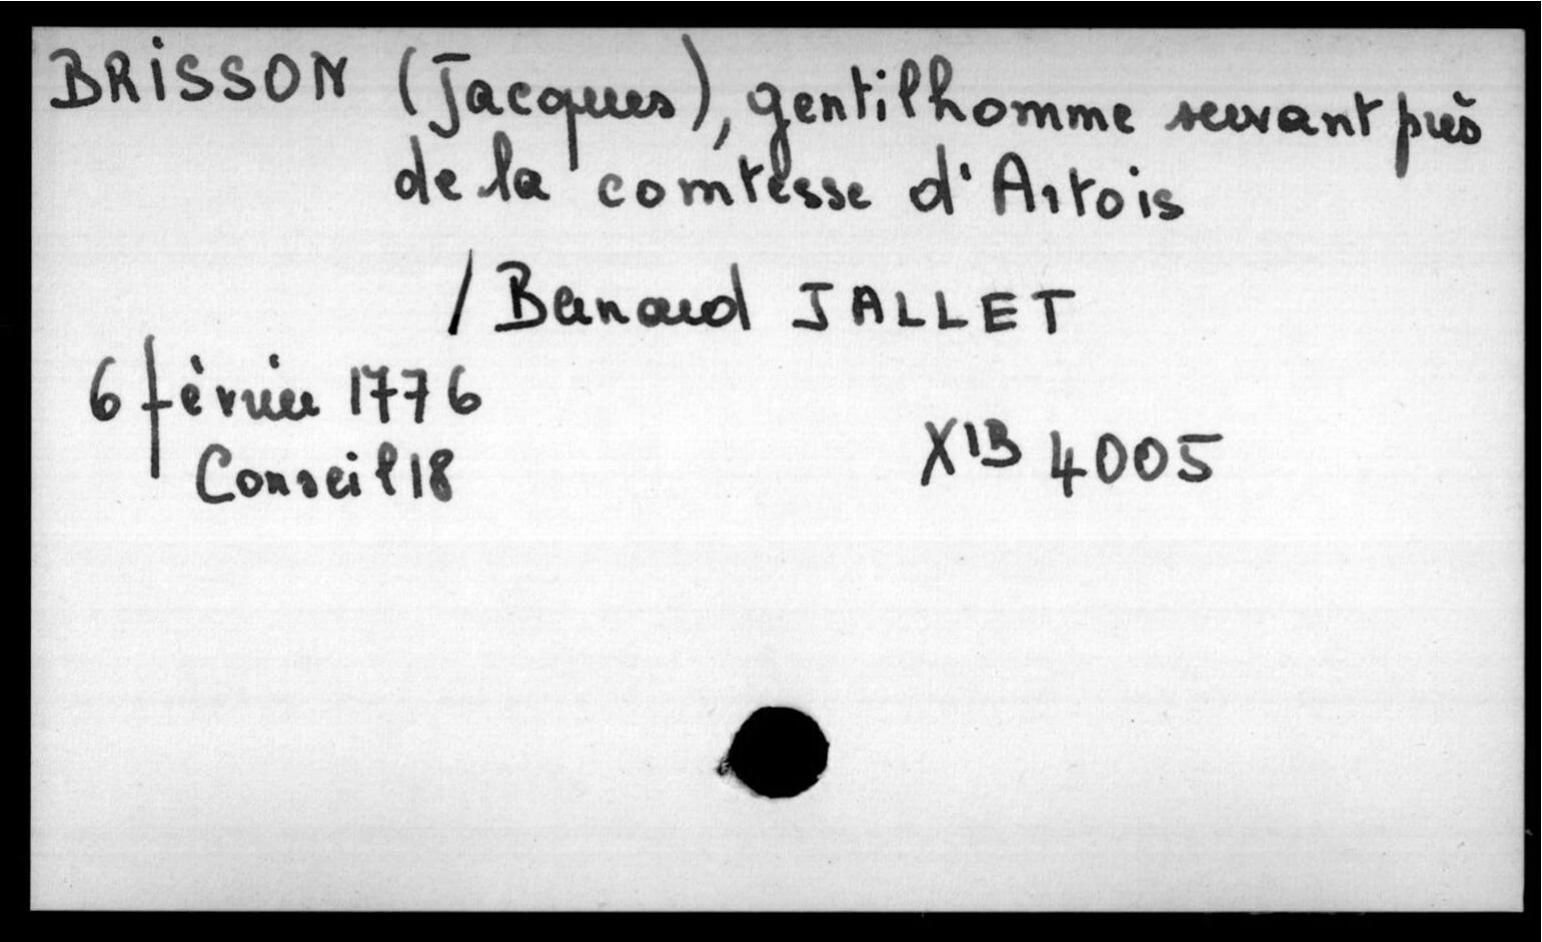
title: ARISSON (Jacques), gentilhomme servant près de la comtesse d'Artois
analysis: Contre Benard JALLET
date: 6 février 1776
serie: X1b
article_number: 4005
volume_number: Conseil 18
